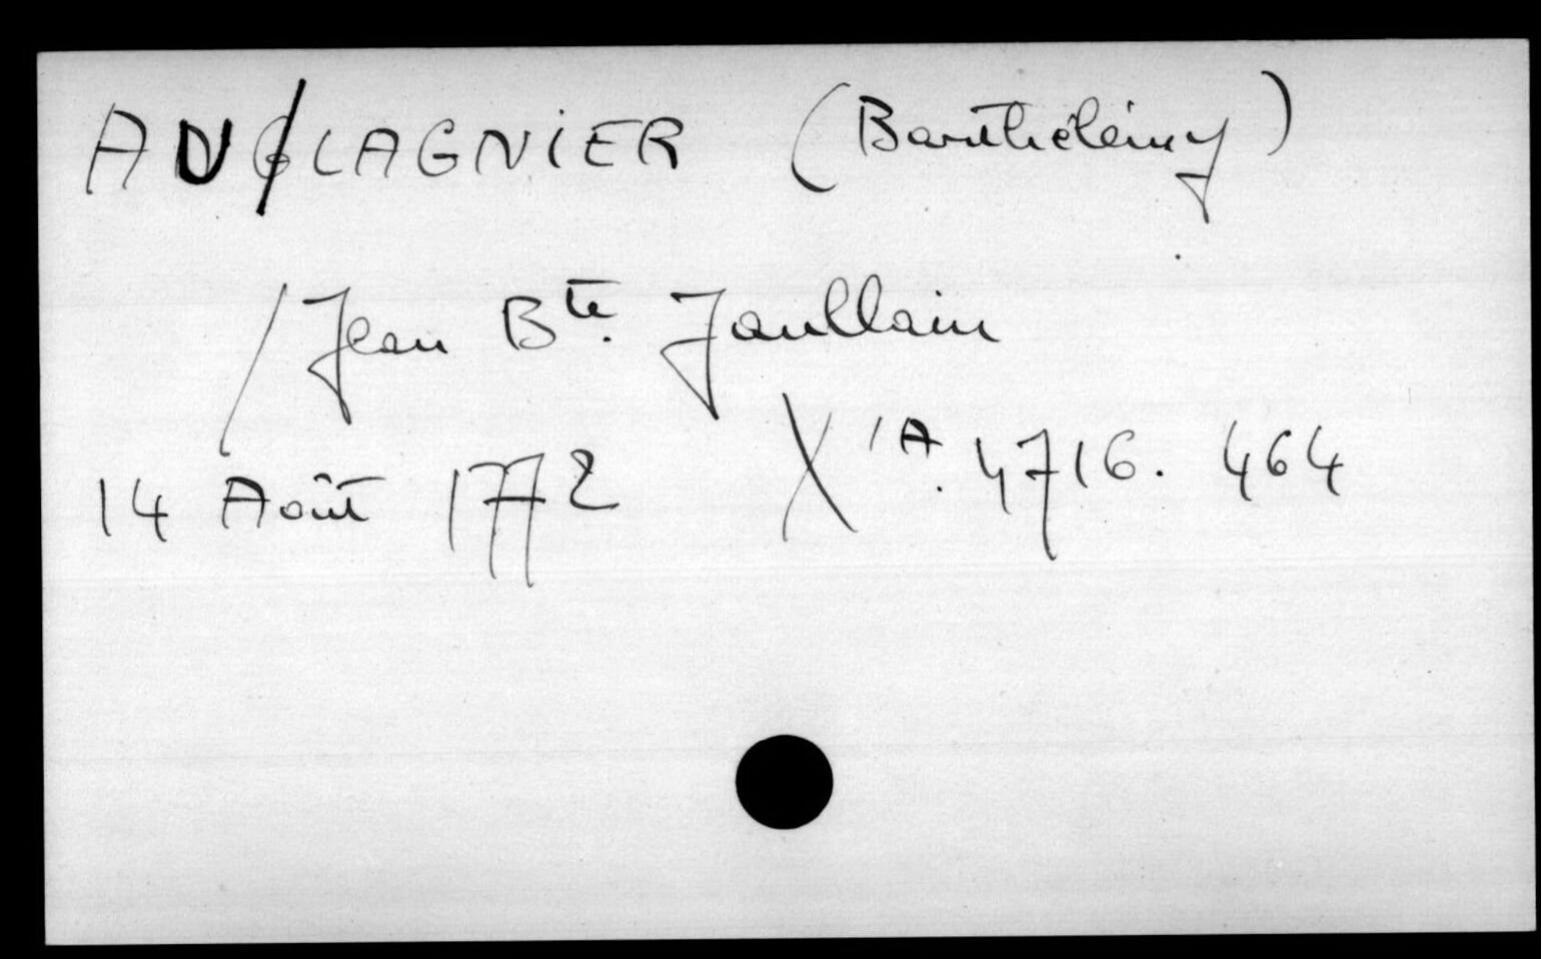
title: AULAGNIER (Barthélémy)
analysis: Contre Jean Baptiste Jaullain
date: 14 août 1772
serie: X1A
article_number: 4716
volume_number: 464
